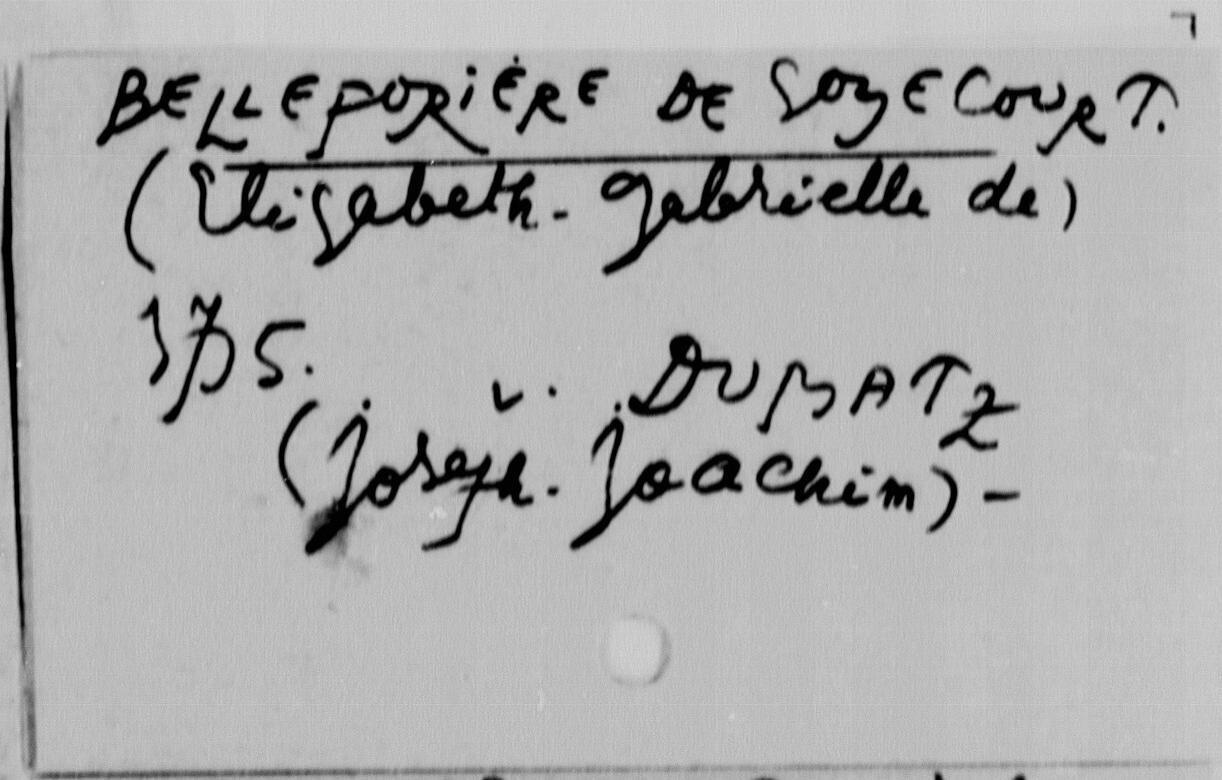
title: BELLEPORIERE DE SOYECOURT (Elisabeth-Gabrielle de)
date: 1705
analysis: Voir DUMATZ (Joseph-Joachim)
